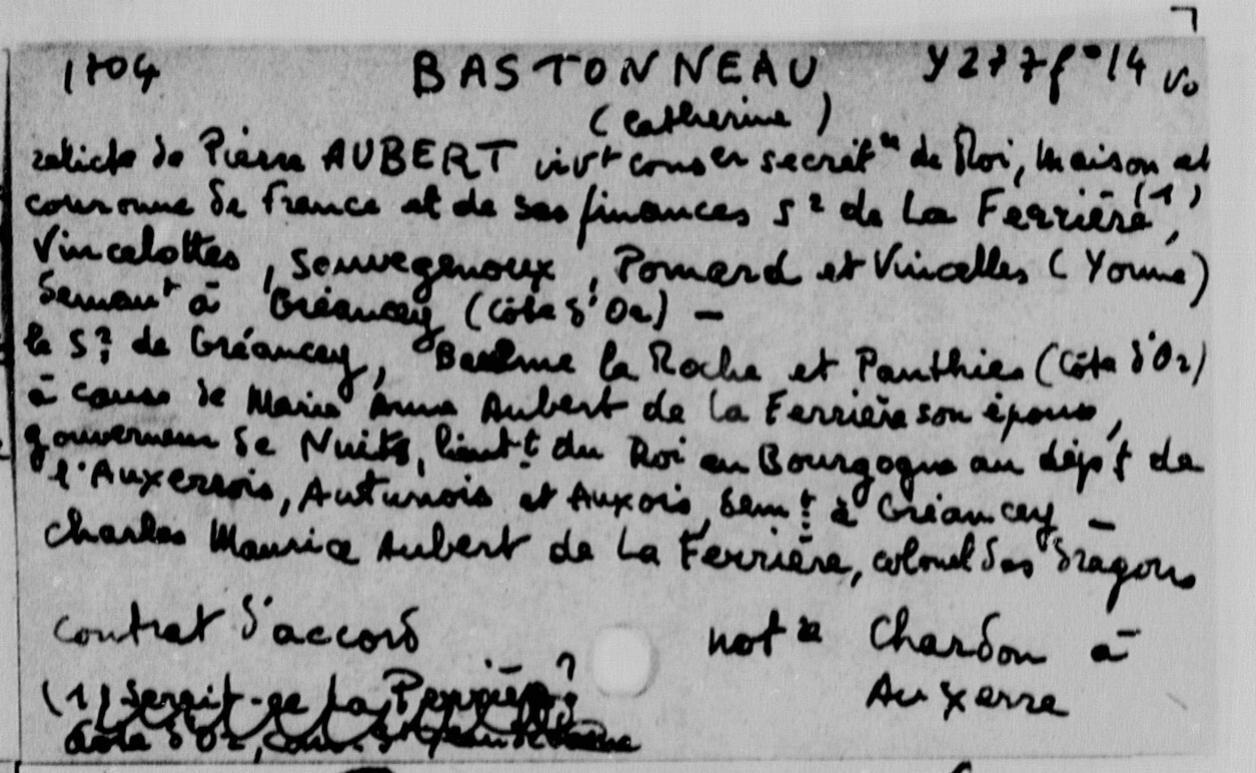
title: BASTONNEAU (Catherine)
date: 1704
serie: Y
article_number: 277
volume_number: fol. 14v
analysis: Relicte de Pierre AUBERT vivant conseiller secrétaire de Roi, Maison et couronne de France et de ses finances, seigneur de La Ferrière [Perrrière ?], Vincelottes, Souvegenoux, Pomard et Vincelles (Yonne), demeurant à Bréancey (Côte-d'Or). Le seigneur de Bréancey, Balme la Roche et Panthies (Côte d'Or), à cause de Marie-Anne Aubert de la Ferrière son épouse, gouverneur de Nuits, lieutenant du roi en Bourgogne au département de l'Auxerrois, Autunois et Auxois, demeurant à Créancey. Charles Maurice Aubert de La Ferrière, colonel des dragons Contrat d’accord. Notaire Chardon à Auxerre
